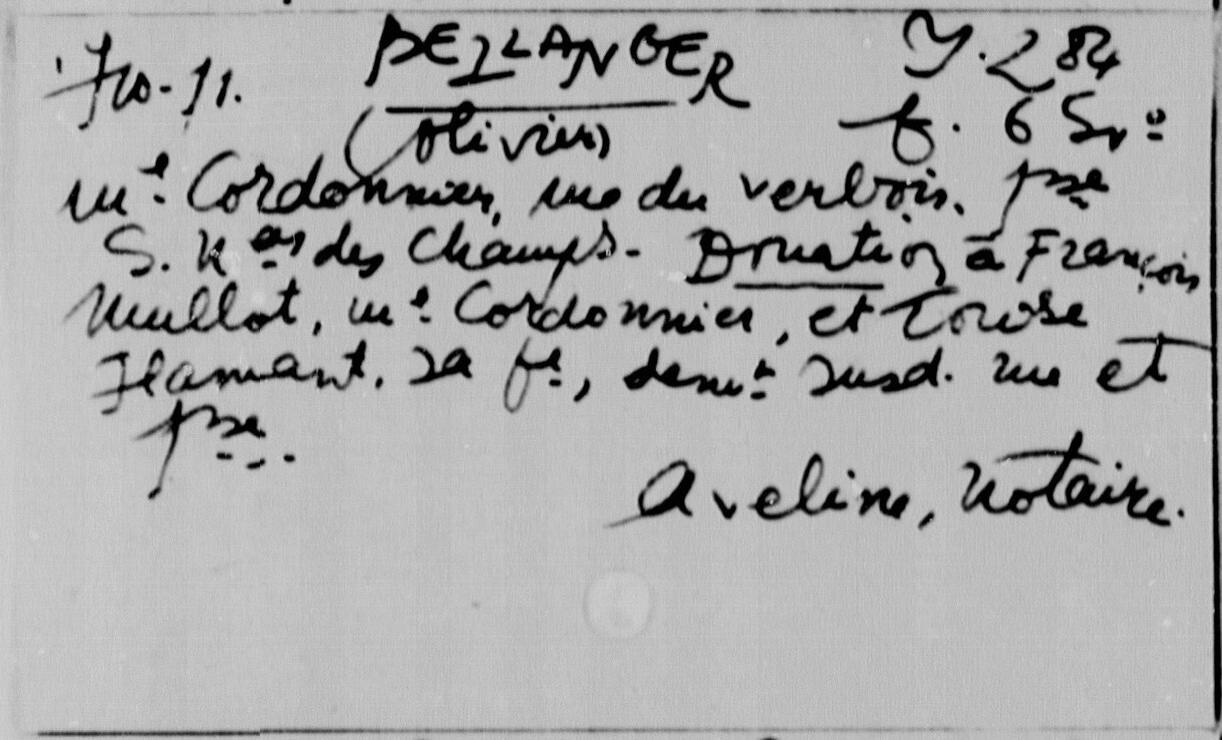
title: BELLANGER (Olivier)
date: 1710-1711
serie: Y
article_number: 284
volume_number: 65v
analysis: Maître cordonnier, rue du Verbois, paroisse Saint-Nicolas-des-Champs. Donation à François MULLOT, maître cordonnier, et Louise Flamant, sa femme, demeurant susdites rue et paroisse. Aveline, notaire.
